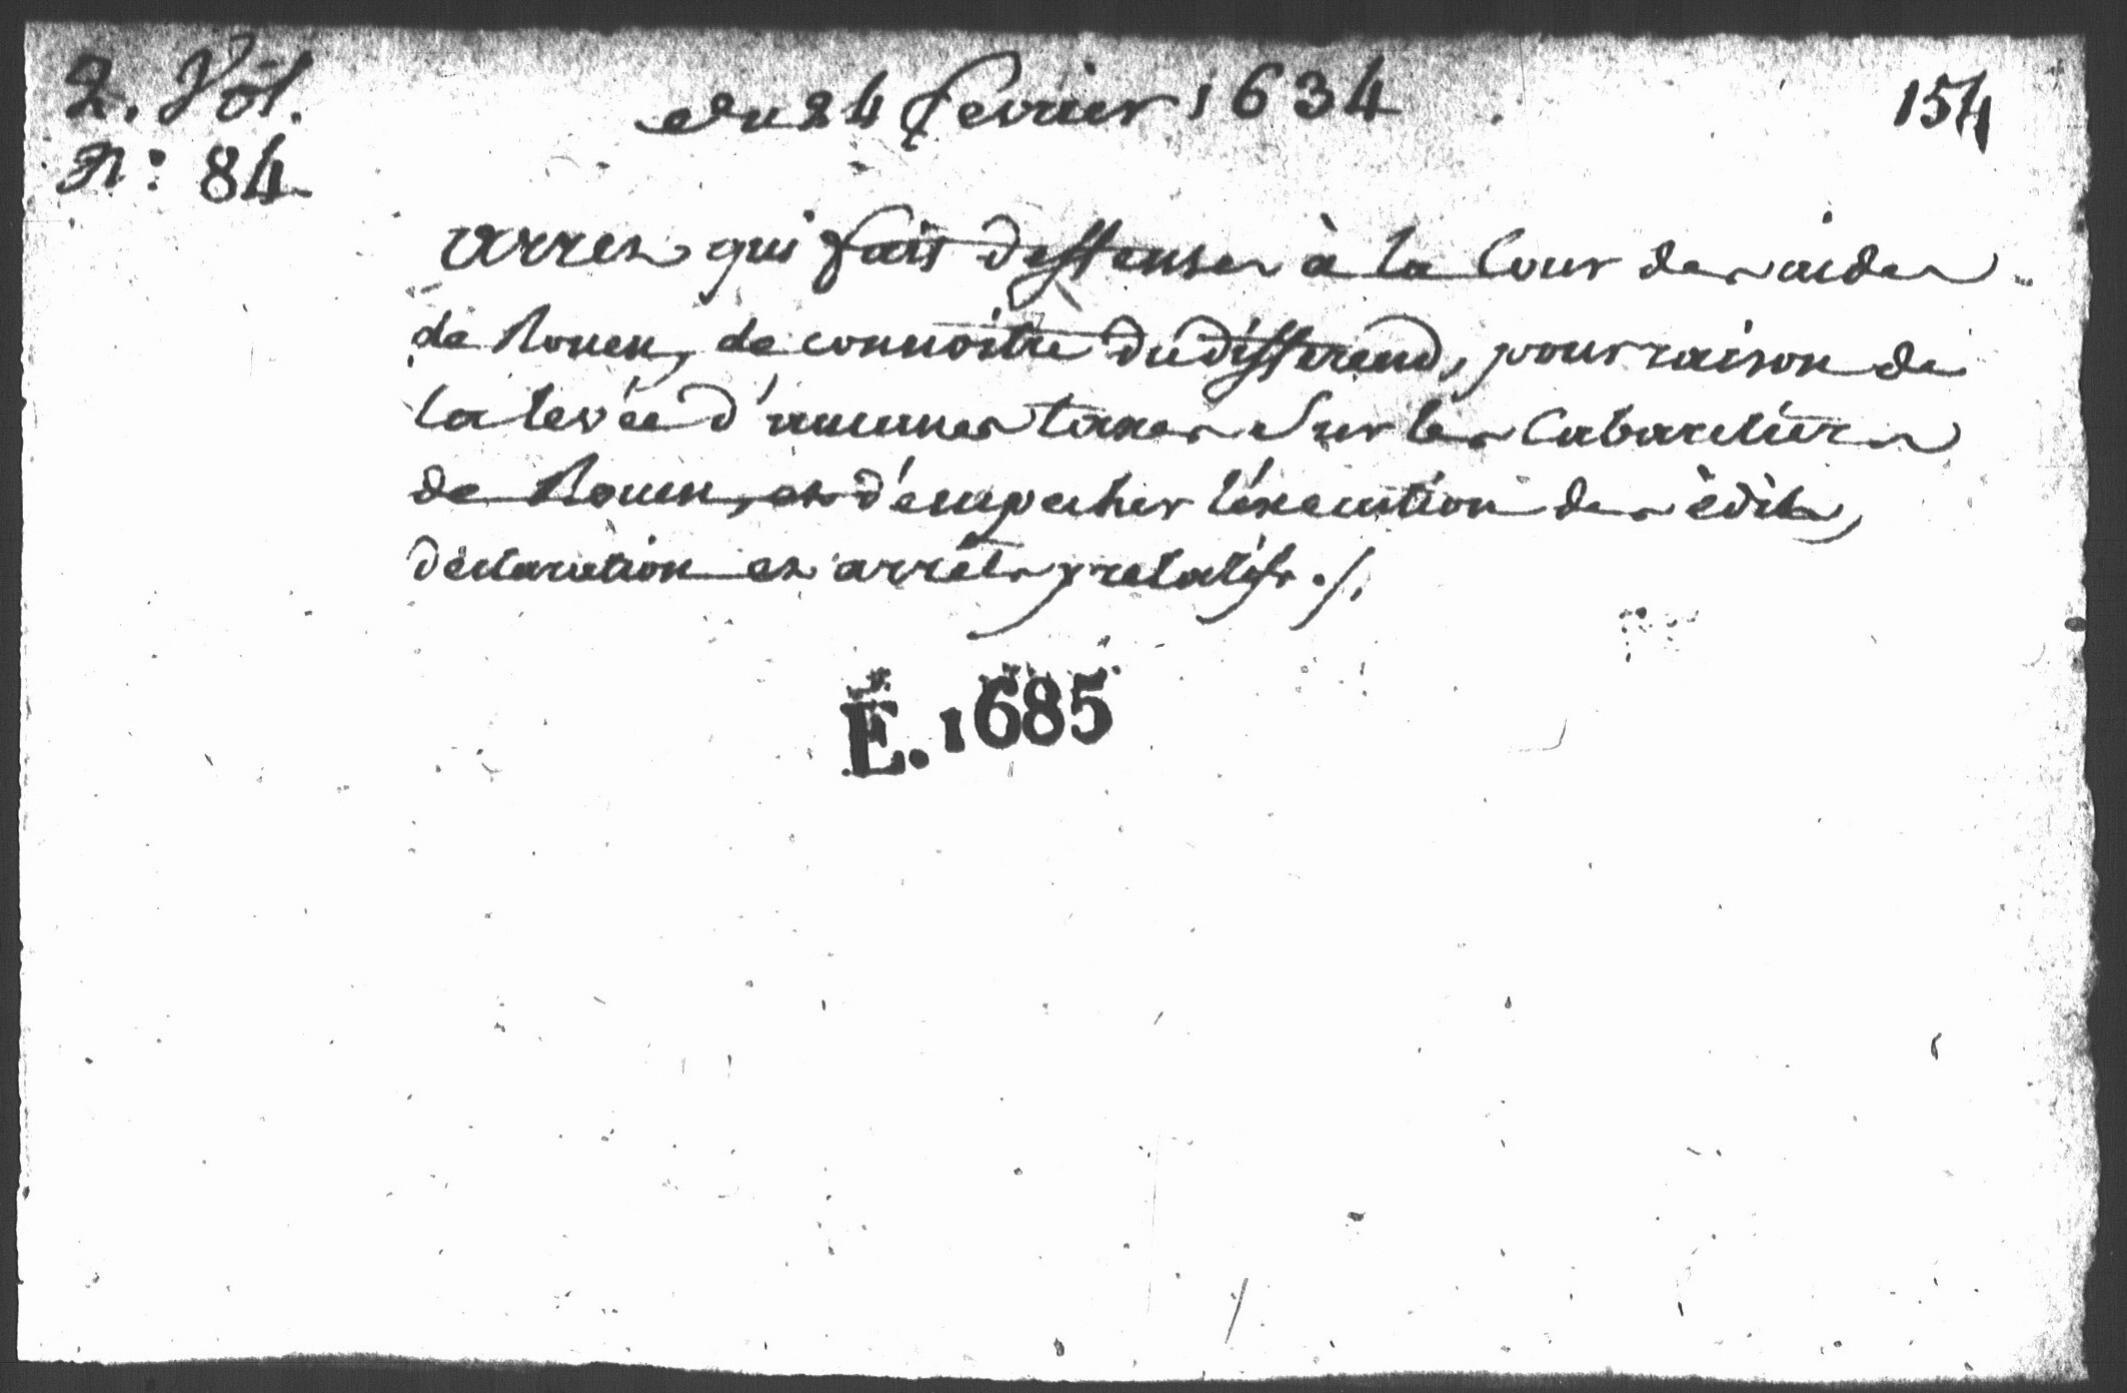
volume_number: n°84
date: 24 février 1634
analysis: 154
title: Arret qui fait deffenses à la Cour des aides de Rouen, de connoitre du differend, pour raison de la levée d'aucunes taxes sur les cabaretiers de Rouen, et d'empecher l'execution des édits, déclaration et arrêts y relatifs.
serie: E
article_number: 1685
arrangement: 2. vol.
